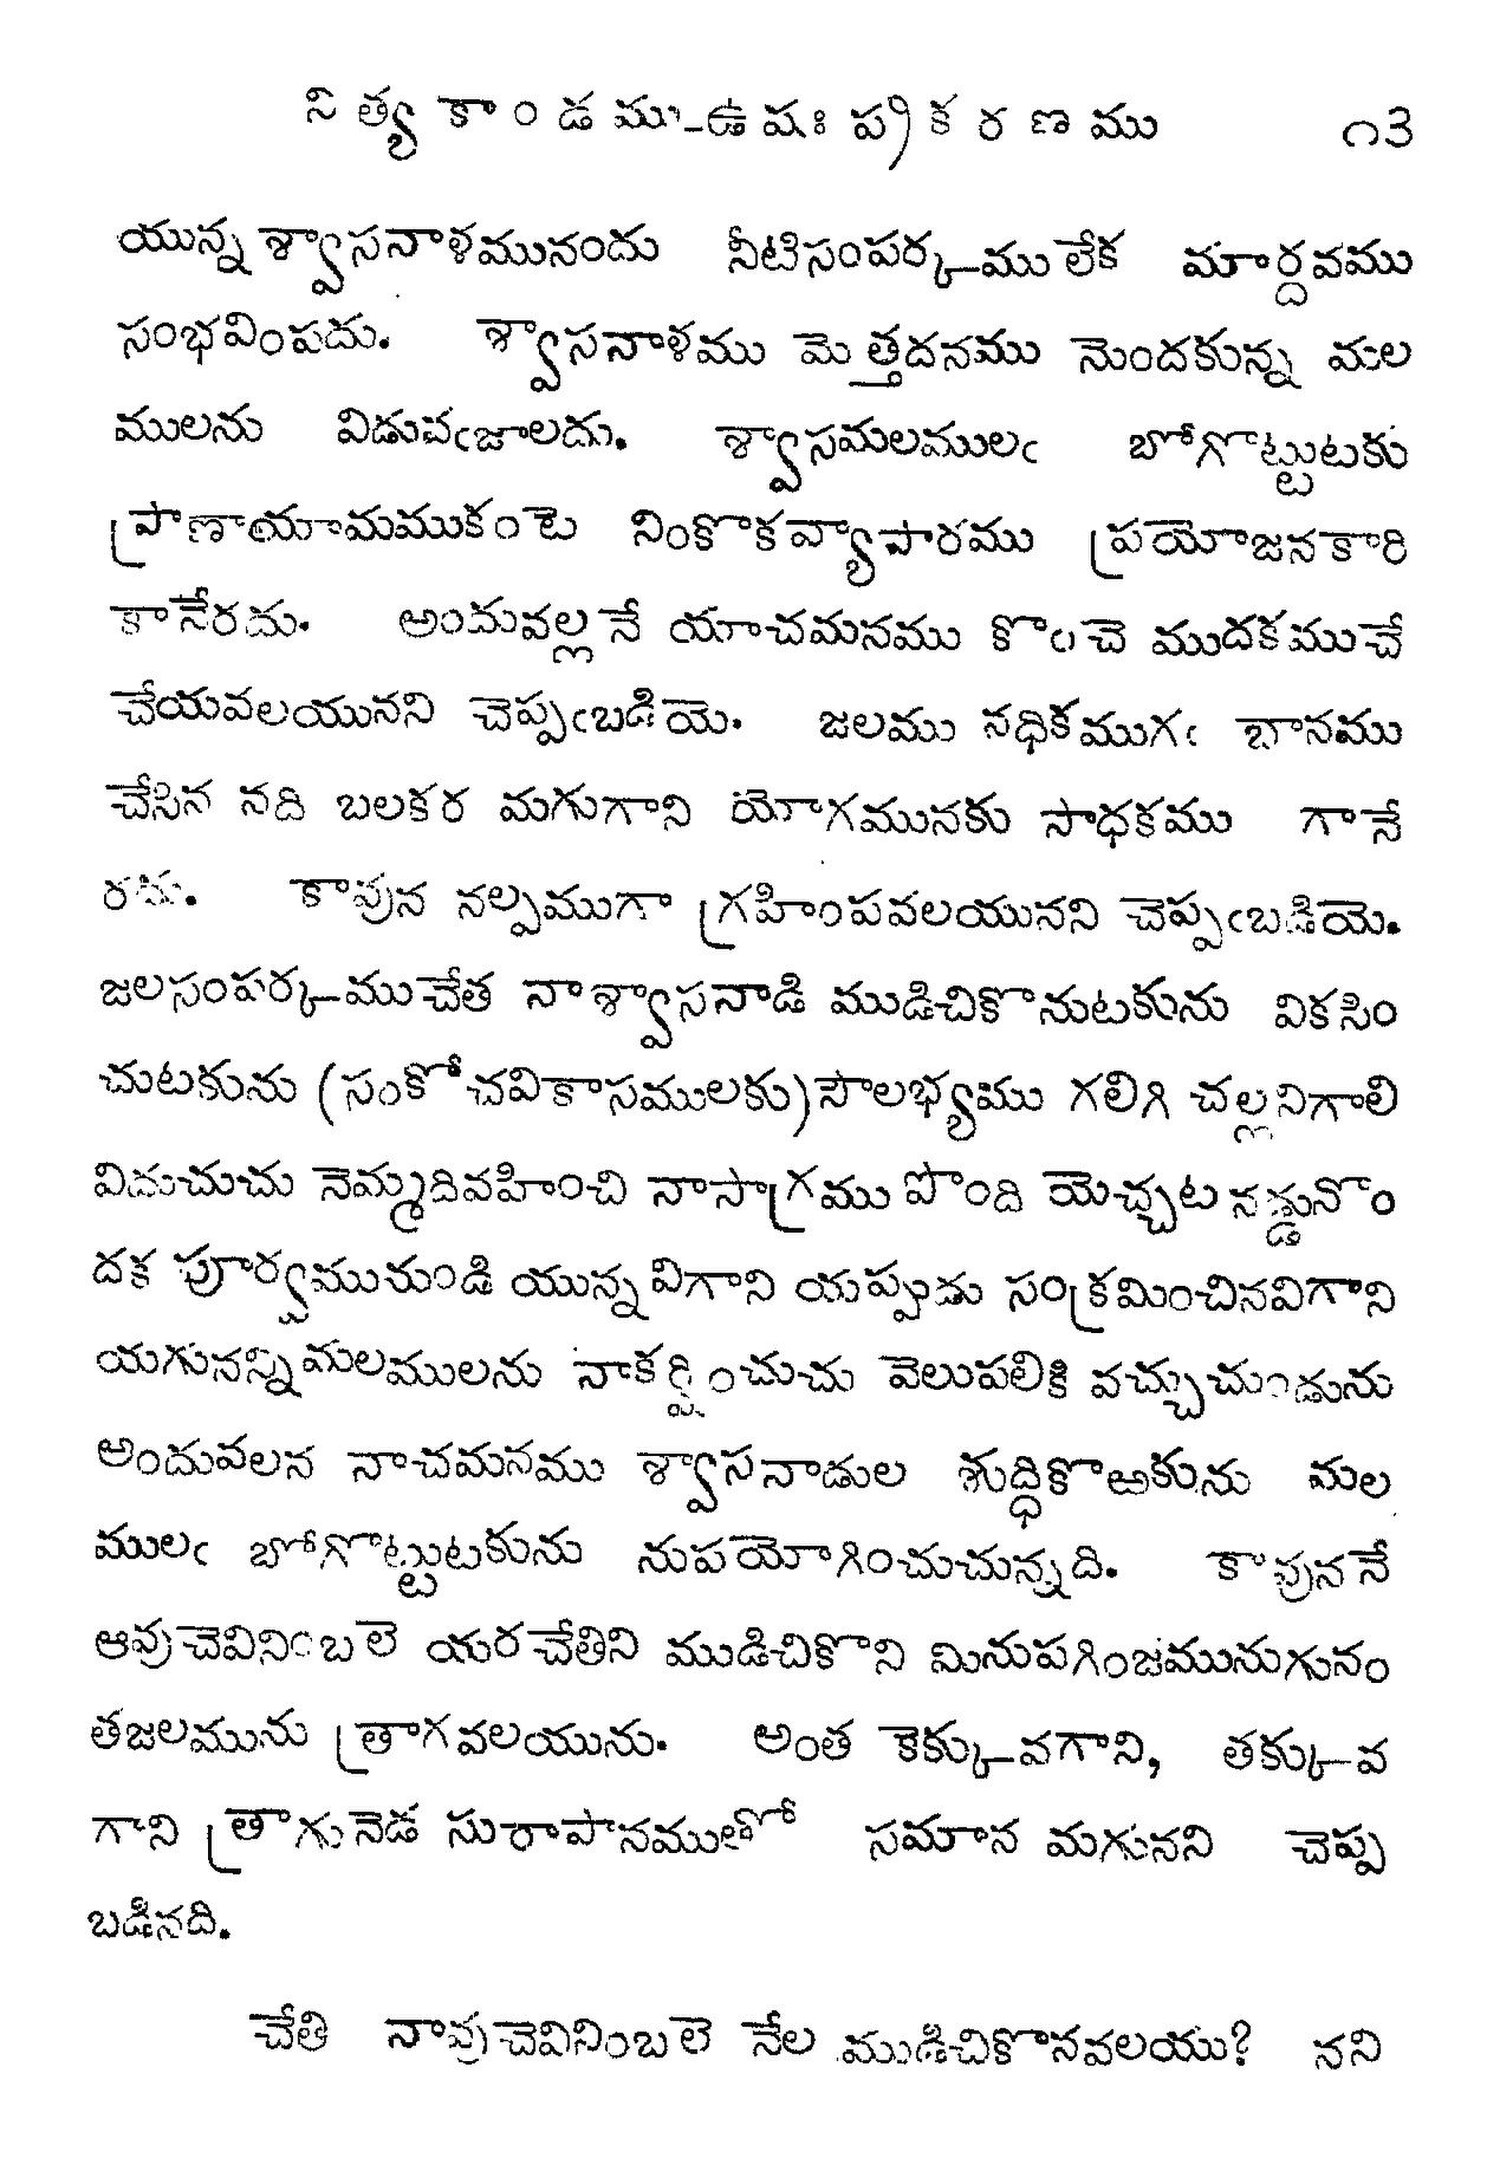యున్నశ్వాసనాళమునందు నీటిసంపర్కములేక మార్దవము సంభవింపదు. శ్వాసనాళము మెత్తదనము నొందకున్న మలములను విడువఁజాలదు. శ్వాసమలములఁ బోగొట్టుటకు ప్రాణాయామముకంటె నింకొకవ్యాపారము ప్రయోజనకారి కానేరదు. అందువల్లనే యాచమనము కొంచె ముదకముచే
చేయవలయునని చెప్పఁబడియె. జలము నధికముగఁ బానము చేసిన నది బలకర మగుగాని యోగమునకు సాధకము గానేరదు. కావున నల్పముగా గ్రహింపవలయునని చెప్పఁబడియె. జలసంపర్కముచేత నాశ్వాసనాడి ముడిచికొనుటకును వికసించుటకును (సంకోచవికాసములకు) సౌలభ్యము గలిగి చల్లనిగాలి
విడుచుచు నెమ్మదివహించి నాసాగ్రము పొంది యెచ్చట నడ్డునొందక పూర్వమునుండి యున్నవిగాని యప్పుడు సంక్రమించినవిగాని యగునన్నిమలములను నాకర్షించుచు వెలుపలికి వచ్చుచుండును అందువలన నాచమనము శ్వాసనాడుల శుద్ధికొఱకును మలములఁ బోగొట్టుటకును నుపయోగించుచున్నది. కావుననే ఆవుచెవినింబలె యరచేతిని ముడిచికొని మినుపగింజమునుగునంతజలమును త్రాగవలయును. అంత కెక్కువగాని, తక్కువగాని త్రాగునెడ సురాపానముతో సమాన మగునని చెప్పబడినది.

చేతి నావుచెవినింబలె నేల ముడిచికొనవలయు? నని